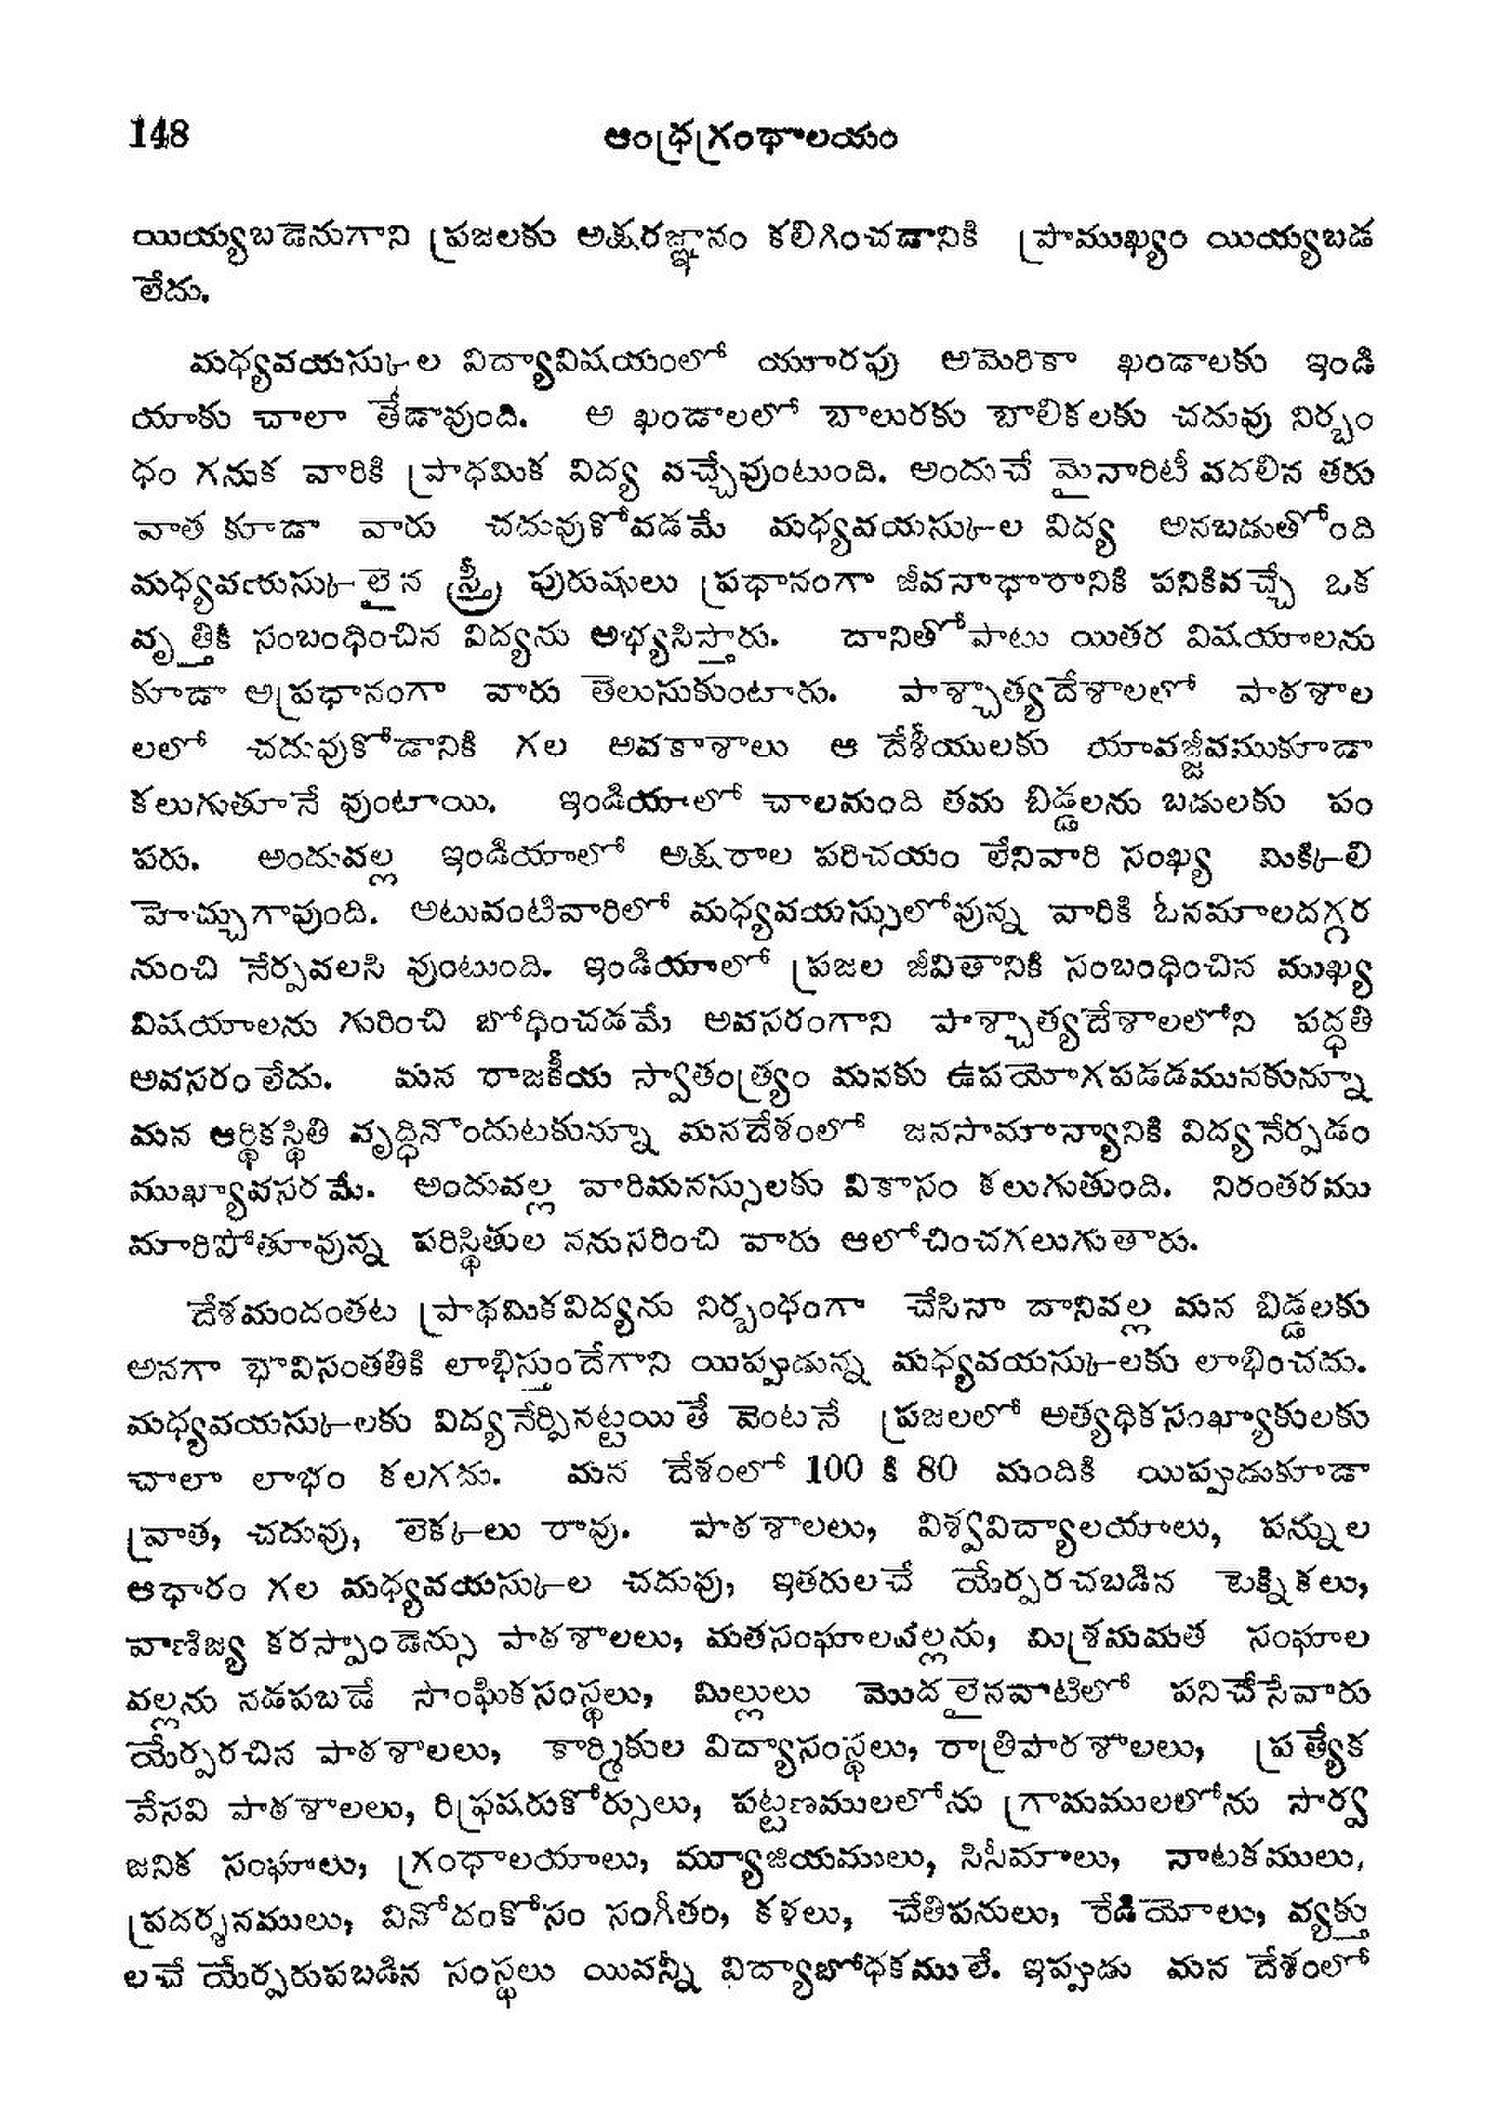యియ్యబడెనుగాని ప్రజలకు అక్షరజ్ఞానం కలిగించడానికి ప్రాముఖ్యం యియ్యబడ లేదు.

మధ్యవయస్కుల విద్యావిషయంలో యూరపు అమెరికా ఖండాలకు ఇండియాకు చాలా తేడావుంది. అ ఖండాలలో బాలురకు 
బాలికలకు చదువు నిర్బంధం గనుక వారికి ప్రాధమిక విద్య వచ్చేవుంటుంది. అందుచే మైనారిటీ వదలిన తరువాత కూడా వారు చదువుకోవడమే మధ్యవయస్కుల విద్య అనబడుతోంది. మధ్యవయస్కులైన స్త్రీ పురుషులు ప్రధానంగా జీవనాధారానికి పనికివచ్చే
ఒక వృత్తికీ సంబంధించిన విద్యను అభ్యసిస్తారు. దానితోపాటు యితర విషయాలను కూడా అప్రధానంగా వారు తెలుసుకుంటారు. పాశ్చాత్యదేశాలలో పాఠశాల లలో చదువుకోడానికి గల అవకాశాలు ఆ దేశీయులకు యావజ్జీవముకూడా కలుగుతూనే వుంటాయి. 
ఇండియాలో చాలమంది తమ బిడ్డలను బడులకు పంపరు. అందువల్ల ఇండియాలో అక్షరాల పరిచయం లేనివారి సంఖ్య 
మిక్కిలి హెచ్చుగావుంది. అటువంటివారిలో మధ్యవయస్సులోవున్న వారికి ఓనమాలదగ్గర నుంచి 'నేర్పవలసి వుంటుంది. 
ఇండియాలో ప్రజల జీవితానికి సంబంధించిన ముఖ్యవిషయాలను గురించి బోధించడమే అవసరంగాని పాశ్చాత్యదేశాలలోని 
పద్ధతి అవసరం లేదు. మన రాజకీయ స్వాతంత్ర్యం మనకు ఉపయోగపడడమునకున్నూ మన ఆర్థికస్థితి వృద్ధినొందుటకున్నూ మనదేశంలో జనసామాన్యానికి విద్య నేర్పడం ముఖ్యావసరమే. అందువల్ల వారిమనస్సులకు వికాసం కలుగుతుంది. నిరంతరము
మారిపోతూవున్న పరిస్థితుల ననుసరించి వారు ఆలోచించగలుగుతారు.

దేశమందంతట ప్రాథమిక విద్యను నిర్బంధంగా చేసినా దానివల్ల మన బిడ్డలకు అనగా భావిసంతతికి లాభిస్తుందేగాని యిప్పుడున్న మధ్యవయస్కులకు లాభించదు. మధ్యవయస్కులకు విద్య నేర్పినట్టయితే వెంటనే ప్రజలలో అత్యధిక సంఖ్యాకులకు చాలా లాభం కలగదు. మన దేశంలో 100 కి 80 మందికి యిప్పుడుకూడా వ్రాత, చదువు, లెక్కలు రావు. పాఠశాలలు, విశ్వవిద్యాలయాలు,
పన్నుల ఆధారం గల మధ్యవయస్కుల చదువు, ఇతరులచే యేర్పరచబడిన టెక్నికలు, వాణిజ్య కరస్పాండెన్సు పాఠశాలలు, మతసంఘాలవల్లను, మిశ్రమమత సంఘాలవల్లను నడపబడే సాంఘిక సంస్థలు, మిల్లులు మొదలైనవాటిలో పని చేసేవారు.
యేర్పరచిన పాఠశాలలు, కార్మికుల విద్యాసంస్థలు, రాత్రిపాఠశాలలు, ప్రత్యేక వేసవి పాఠశాలలు, రిఫ్రషరుకోర్సులు,
పట్టణములలోను గ్రామములలోను సార్వజనిక సంఘాలు, గ్రంధాలయాలు, మ్యూజియములు, సినీమాలు, నాటకములు,
ప్రదర్శనములు, వినోదం కోసం సంగీతం, కళలు, చేతిపనులు, రేడియోలు, వ్యక్తులచే యేర్పరుపబడిన సంస్థలు యివన్నీ విద్యాబోధకములే. ఇప్పుడు మన దేశంలో